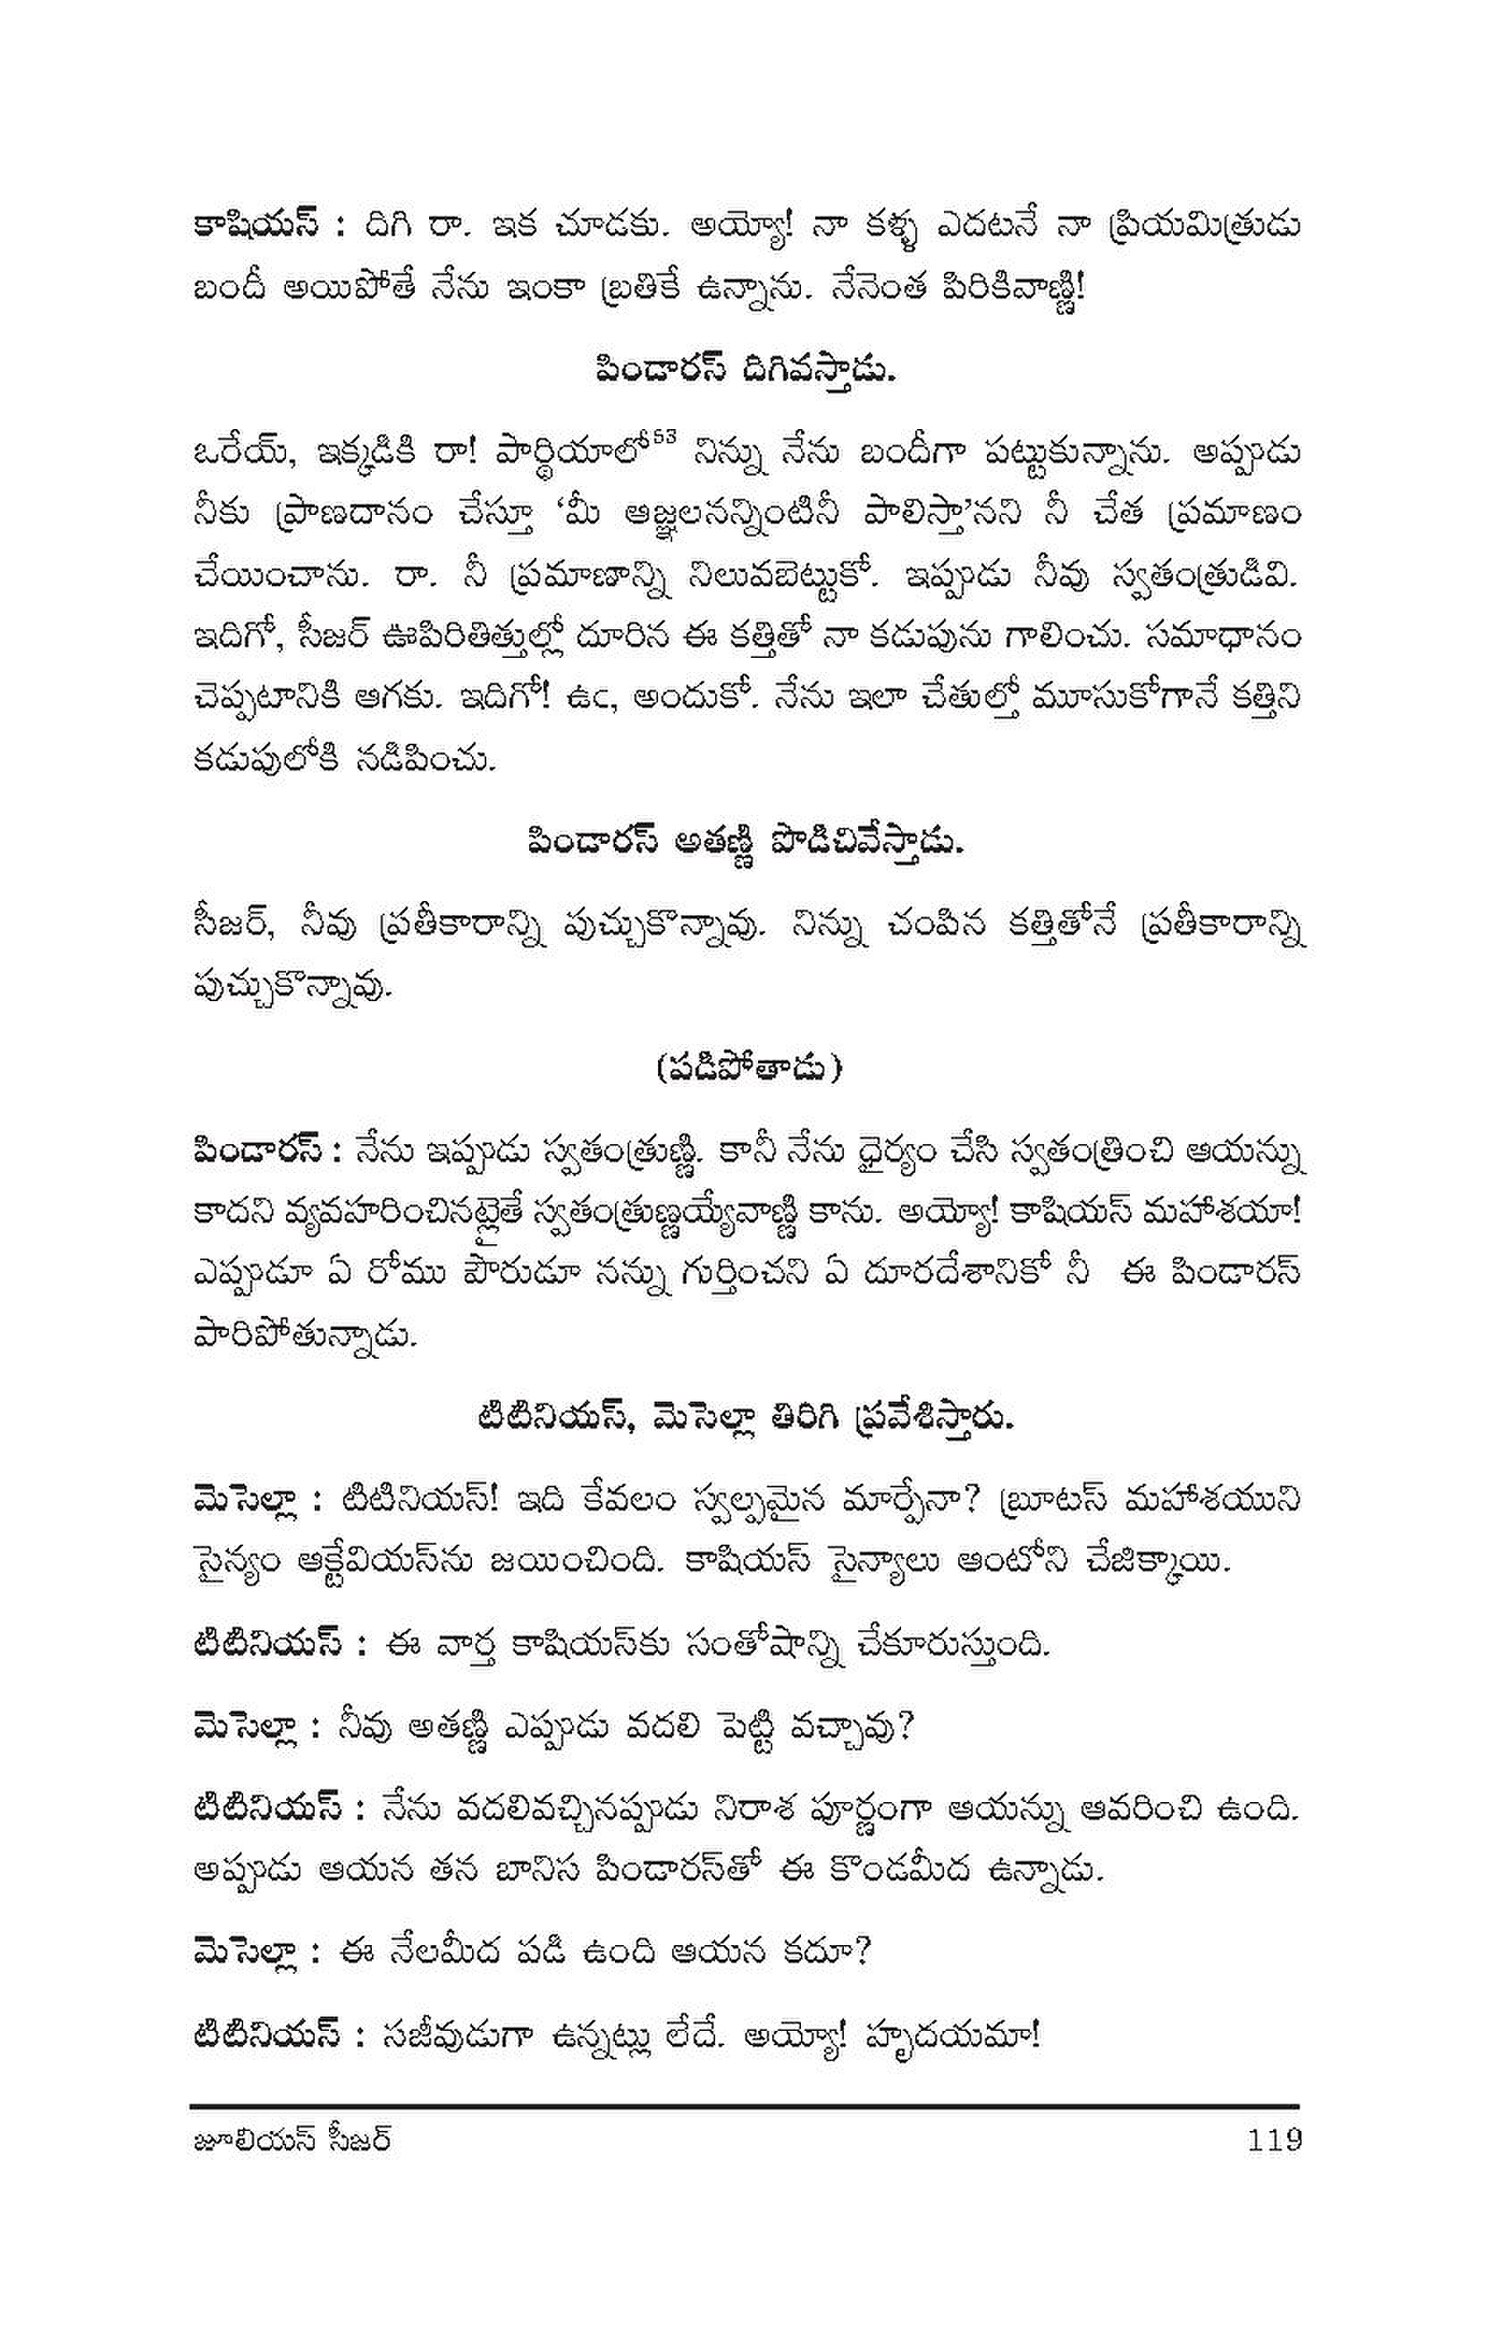కాషియస్ : దిగి రా. ఇక చూడకు. అయ్యో! నా కళ్ళ ఎదటనే నా ప్రియమిత్రుడు బందీ అయిపోతే నేను ఇంకా బ్రతికే ఉన్నాను. నేనెంత పిరికివాణ్ణి!

ఒరేయ్, ఇక్కడికి రా! పార్థియాలో53 నిన్ను నేను బందీగా పట్టుకున్నాను. అప్పుడు నీకు ప్రాణదానం చేస్తూ 'మీ ఆజ్ఞలనన్నింటినీ పాలిస్తా'నని నీ చేత ప్రమాణం చేయించాను. రా. నీ ప్రమాణాన్ని నిలువబెట్టుకో. ఇప్పుడు నీవు స్వతంత్రుడివి. ఇదిగో, సీజర్ ఊపిరితిత్తుల్లో దూరిన ఈ కత్తితో నా కడుపును గాలించు. సమాధానం చెప్పటానికి ఆగకు. ఇదిగో! ఉఁ, అందుకో. నేను ఇలా చేతుల్తో మూసుకోగానే కత్తిని కడుపులోకి నడిపించు.

సీజర్, నీవు ప్రతీకారాన్ని పుచ్చుకొన్నావు. నిన్ను చంపిన కత్తితోనే ప్రతీకారాన్ని పుచ్చుకొన్నావు.

పిండారస్ : నేను ఇప్పుడు స్వతంత్రుణ్ణి. కానీ నేను ధైర్యం చేసి స్వతంత్రించి ఆయన్ను కాదని వ్యవహరించినట్లైతే స్వతంత్రుణ్ణయ్యేవాణ్ణి కాను. అయ్యో! కాషియస్ మహాశయా! ఎప్పుడూ ఏ రోము పౌరుడూ నన్ను గుర్తించని ఏ దూరదేశానికో నీ ఈ పిండారస్ పారిపోతున్నాడు.

మెసెల్లా : టిటినియస్! ఇది కేవలం స్వల్పమైన మార్పేనా? బ్రూటస్ మహాశయుని సైన్యం ఆక్టేవియను జయించింది. కాషియస్ సైన్యాలు ఆంటోని చేజిక్కాయి.

టిటినియస్ : ఈ వార్త కాషియస్ కు సంతోషాన్ని చేకూరుస్తుంది.

మెసెల్లా : నీవు అతణ్ణి ఎప్పుడు వదలి పెట్టి వచ్చావు?

టిటినియస్ : నేను వదలివచ్చినప్పుడు నిరాశ పూర్ణంగా ఆయన్ను ఆవరించి ఉంది. అప్పుడు ఆయన తన బానిస పిండారస్ ఈ కొండమీద ఉన్నాడు.

మెసెల్లా : ఈ నేలమీద పడి ఉంది ఆయన కదూ?

టిటినియస్ : సజీవుడుగా ఉన్నట్లు లేదే. అయ్యో! హృదయమా!